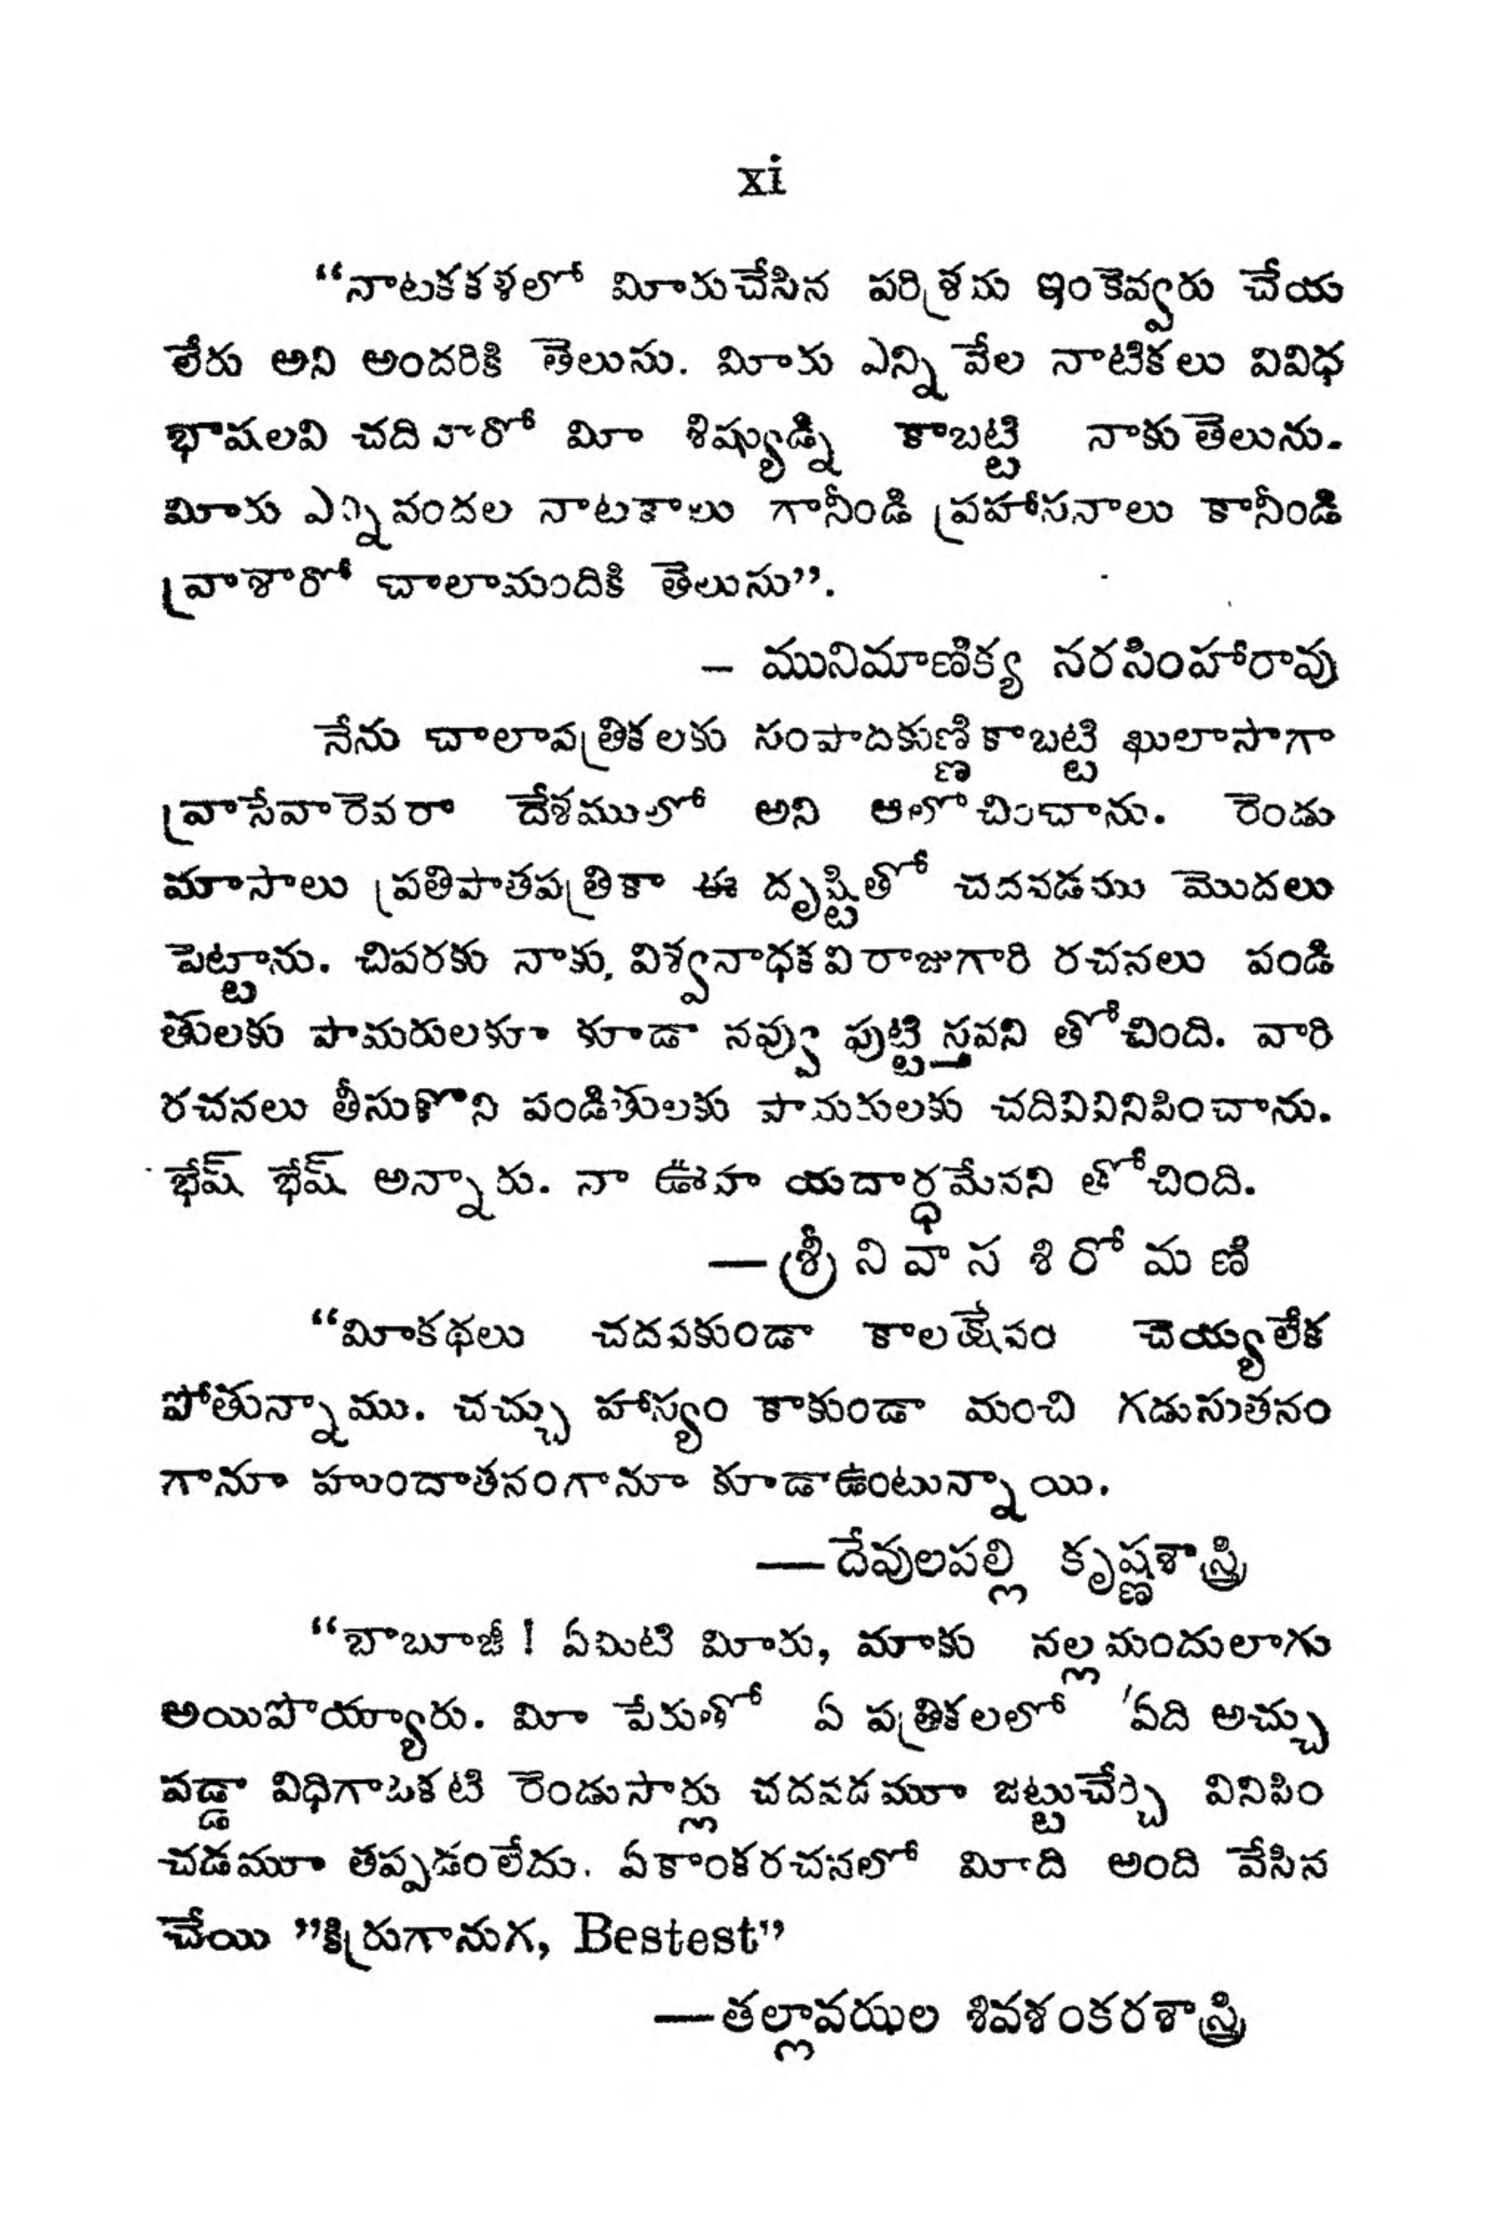“నాటకకళలో మీరుచేసిన పరిశ్రమ ఇంకెవ్వరు చేయలేరు అని అందరికి తెలుసు. మీకు ఎన్ని వేల నాటికలు వివిధ
భాషలవి చదివారో మీ శిష్యుడ్ని కాబట్టి నాకుతెలుసు. మీరు ఎన్నివందల నాటకాలు గానీండి ప్రహాసనాలు కానీండి
వ్రాశారో చాలామందికి తెలుసు”.

నేను చాలాపత్రికలకు సంపాదకుణ్ణికాబట్టి ఖులాసాగా వ్రాసేవారెవరా దేశములో అని ఆలోచించాను. రెండుమాసాలు ప్రతిపాతపత్రికా ఈ దృష్టితో చదవడము మొదలు పెట్టాను. చివరకు నాకు, విశ్వనాధకవిరాజుగారి రచనలు పండితులకు పామరులకూ కూడా నవ్వు పుట్టిస్తవని తోచింది. వారి రచనలు తీసుకొని పండితులకు పామరులకు చదివివినిపించాను. భేష్ భేష్ అన్నారు. నా ఊహ యదార్ధమేనని తోచింది.

"విూకథలు చదవకుండా కాలక్షేపం చెయ్యలేక పోతున్నాము. చచ్చు హాస్యం కాకుండా మంచి గడుసుతనంగానూ హుందాతనంగానూ కూడా ఉంటున్నాయి.

“బాబూజీ ! ఏమిటి మీరు, మాకు నల్లమందులాగు అయిపొయ్యారు. మీ పేరుతో ఏ పత్రికలలో 'ఏది అచ్చుపడ్డా విధిగాఒకటి రెండుసార్లు చదవడమూ జట్టుచేర్చి వినిపించడమూ తప్పడంలేదు. ఏకాంకరచనలో మీది అంది వేసిన
చేయి ”కిర్రుగానుగ, Bestest"